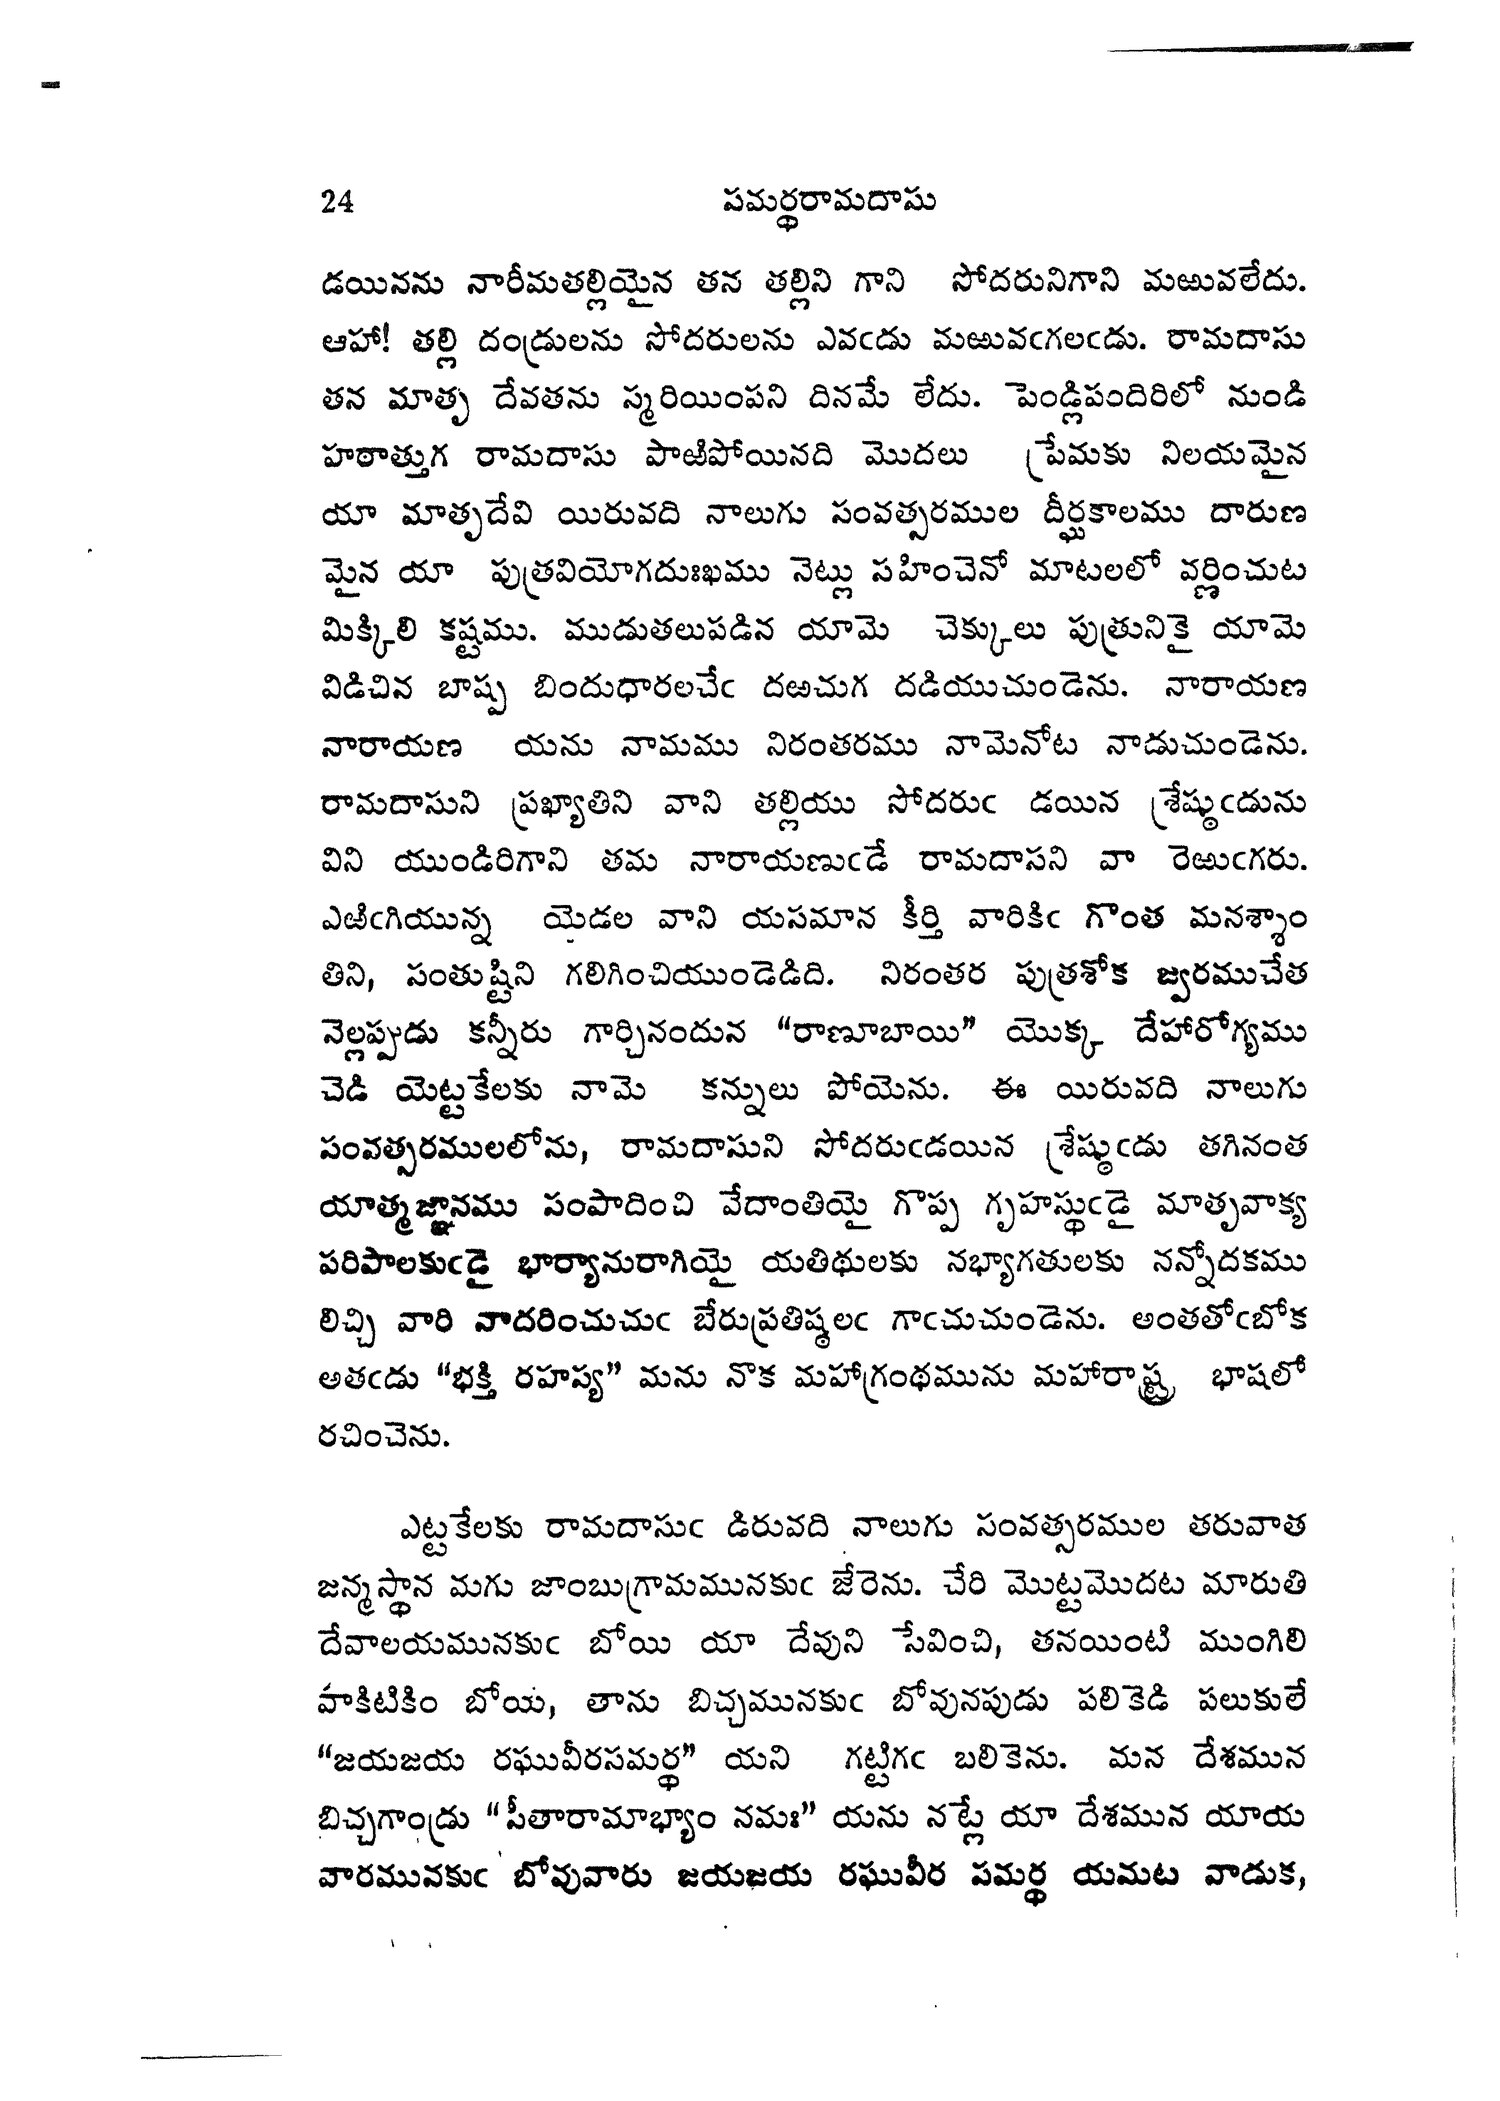డయినను నారీమతల్లియైన తన తల్లిని గాని సోదరునిగాని మఱువలేదు. ఆహా! తల్లి దండ్రులను సోదరులను ఎవడు మఱువగలడు. రామదాసు తన మాతృ దేవతను స్మరియింపని దినమే లేదు. పెండ్లిపందిరిలో నుండి హఠాత్తుగ రామదాసు పాఱిపోయినది మొదలు ప్రేమకు నిలయమైన యా మాతృదేవి యిరువది నాలుగు సంవత్సరముల దీర్ఘకాలము దారుణమైన యా పుత్రువియోగదు:ఖము నెట్లు వహించినో మాటలలో వర్ణించుట మిక్కిలి కష్టము. ముడుతలుపడిన యామె చెక్కులు పుత్రునికై యామె విడిచిన బాష్ప బిందుధారలచే దఱచుగ దడియుచుండెను. నారాయణ నారాయణ యను నామము నిరంతరము నామెనోట నాడుచుండెను. రామదాసుని ప్రఖ్యాతిని వాని తల్లియు సోదరు డయిన శ్రేష్ఠుడును విని యుండిరిగాని తమ నారాయణుడే రామదాసని వా రెఱుగరు. ఎఱిగియున్న యెడల వాని యసమాన కీర్తి వారికి గొంత మనశ్శాంతిని, సంతుష్టిని గలిగించియుండెడిది. నిరంతర పుత్రశోక జ్వరముచేత నెల్లప్పుడు కన్నీరు గార్చినందున "రాణూబాయి" యొక్క దేహారోగ్యము చెడి యెట్టకేలకు నామె కన్నులు పోయెను. ఈ యిరువది నాలుగు సంవత్సరములలోను, రామదాసుని సోదరుడయిన శ్రేష్ఠుడు తగినంత యాత్మజ్ఞానము సంపాదించి వేదాంతియై గొప్ప గృహస్థుడై మాతృవాక్య పరిపాలకుడై భార్యానురాగియై యతిథులకు నభ్యాగతులకు నన్నోదకములిచ్చి వారి నాదరించుచు బేరుప్రతిష్ఠల గాంచుచుండెను. అంతతో బోక ఆతడు "భక్తి రహస్య" మను నొక మహాగ్రంథమును మహారాష్ట్ర భాషలో రచించెను.

ఎట్టకేలకు రామదాసు డిరువది నాలుగు సంవత్సరముల తరువాత జన్మస్థాన మగు జాంబుగ్రామమునకు జేరెను. చేరి మొట్టమొదట మారుతి దేవాలయమునకు బోయి యా దేవుని సేవించి, తనయింటి ముంగిలి వాకిటికిం బోయి, తాను బిచ్చమునకు బోవునపుడు పలికెడి పలుకులే "జయజయ రఘువీరసమర్థ" యని గట్టిగ బలికెను. మన దేశమున బిచ్చగాండ్రు "సీతారామాభ్యాం నమ:" యను నట్లే యా దేశమున యాయ వారమునకు బోవువారు జయజయ రఘువీర సమర్థ యనుట వాడుక,